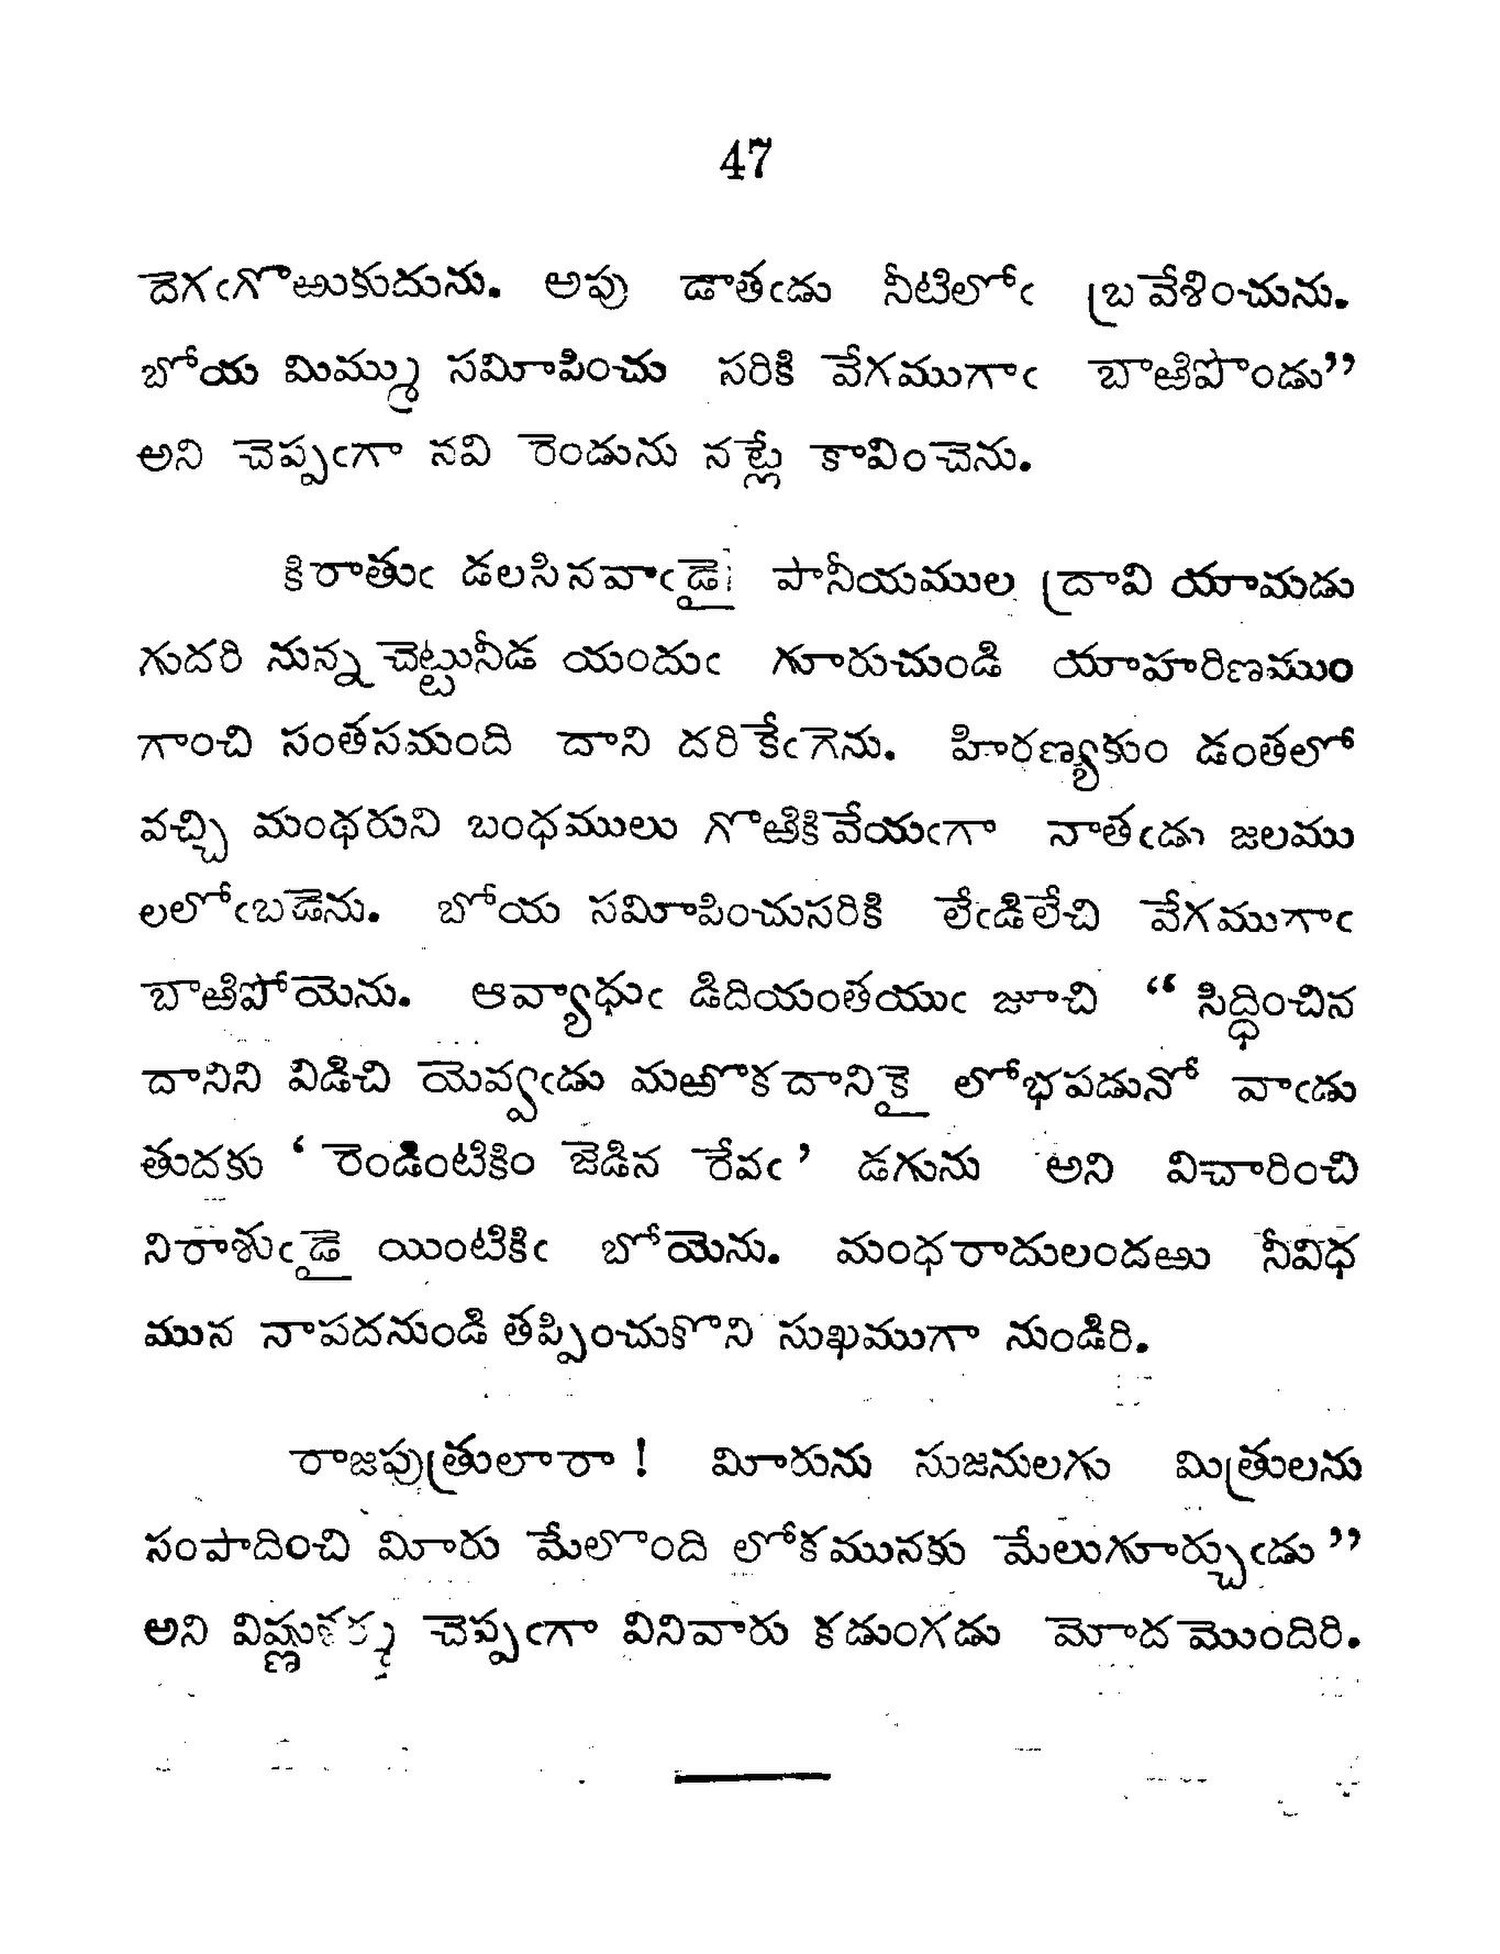దెగగొఱుకుదును. అపు డాతడు నీటిలో బ్రవేశించును. బోయ మిమ్ము సమీపించు సరికి వేగముగా బాఱిపొండు" అని చెప్పగా నవి రెండును నట్లే కావించెను.

కిరాతు డలసినవాడై పానీయముల ద్రావి యామడుగుదరి నున్న చెట్టునీడ యందు గూరుచుండి యాహరిణముంగాంచి సంతసమంది దాని దరికేగెను. హిరణ్యకుం డంతలోవచ్చి మంథరుని బంధములు గొఱికివేయగా నాతడు జలములలో బడెను. బోయ సమీపించుసరికి లేడిలేచి వేగముగా బాఱిపోయెను. ఆవ్యాధు డిదియంతయు జూచి "సిద్ధించిన దానిని విడిచి యెవ్వడు మఱొకదానికై లోభపడునో వాడు తుదకు "రెండింటికి జెడిన రేవ" డగును అని విచారించి నిరాశుడై యింటికి బోయెను. మంథరాధులందఱు నీవిధమున నాపదనుండి తప్పించుకొని సుఖముగా నుండిరి.

రాజపుత్రులారా! మీరును సుజనులగు మిత్రులను సంపాదించి మీరు మేలొంది లోకమునకు మేలుగూర్చుడు" అని విష్ణుశర్మ చెప్పగా వినివారు కడుంగడు మోదమొందిరి.

 _____________